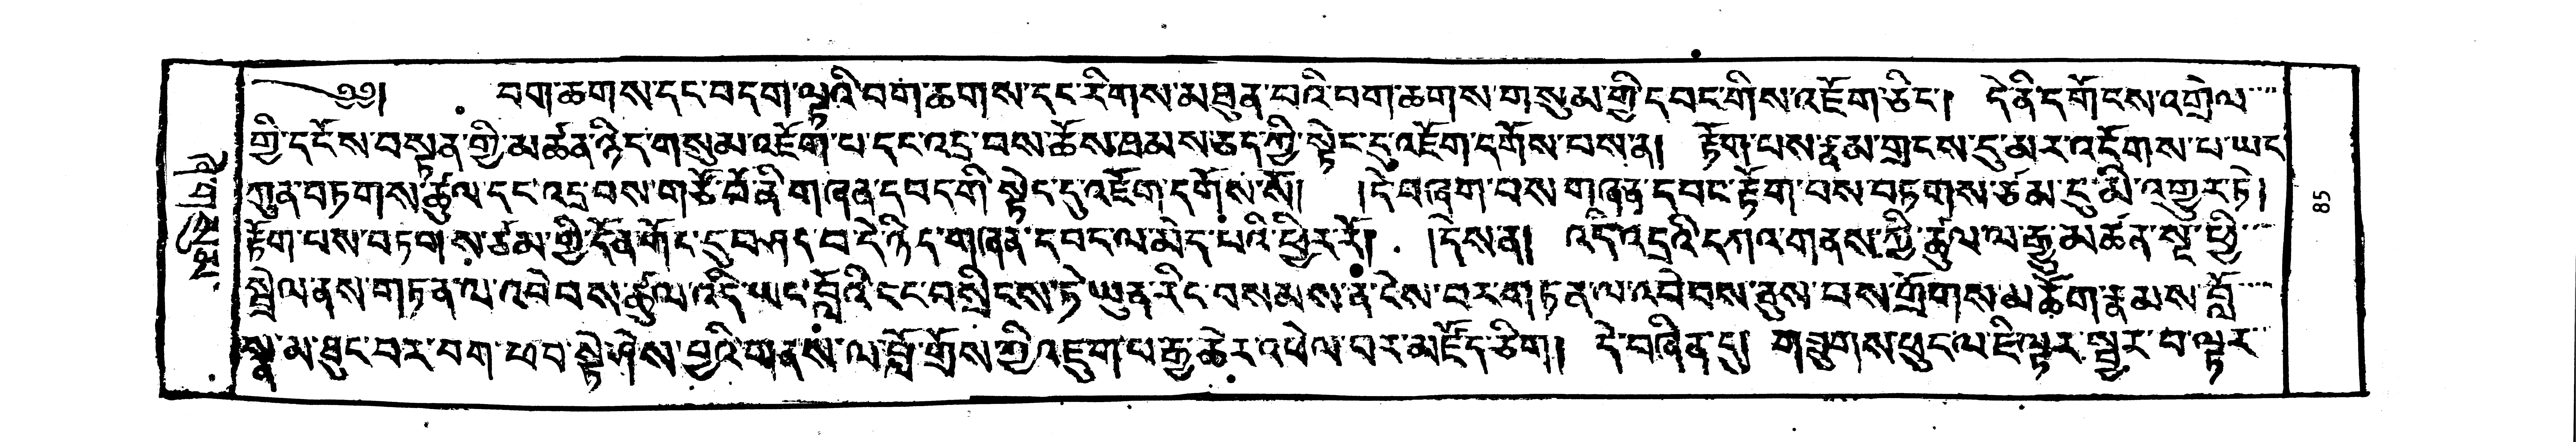༄༅། །བག་ཆགས་དང་བདག་ལྟའི་བག་ཆགས་དང་རིགས་མཐུན་པའི་བག་ཆགས་གསུམ་གྱི་དབང་གིས་འཇོག་ཅིང་། དེ་ནི་དགོངས་འགྲེལ་
གྱི་དངོས་བསྟན་གྱི་མཚན་ཉིད་གསུམ་འཇོག་པ་དང་འདྲ་བས་ཆོས་ཐམས་ཅད་ཀྱི་སྟེང་དུ་འཇོག་དགོས་པས་ན། རྟོག་པས་རྣམ་གྲངས་དུ་མར་འདོགས་པ་ཡང་
ཀུན་བཏགས་ཚུལ་དང་འདྲ་བས་གཙོ་བོ་ནི་གཞན་དབང་གི་སྟེང་དུ་འཇོག་དགོས་སོ། །དེ་བཞག་པས་གཞན་དབང་རྟོག་པས་བཏགས་ཙམ་དུ་མི་འགྱུར་ཏེ།
རྟོག་པས་བཏགས་ཙམ་གྱི་དོན་གོང་དུ་བཤད་པ་དེ་ཉིད་གཞན་དབང་ལ་མེད་པའི་ཕྱིར་རོ། །དེས་ན། འདི་འདྲའི་དཀའ་གནས་ཀྱི་ཚུལ་ལ་རྒྱུ་མཚན་སྔ་ཕྱི་
སྦྲེལ་ནས་གཏན་ལ་འབེབས་ཚུལ་འདི་ཡང་བློའི་ངང་བསྲིངས་ཏེ་ཡུན་རིང་བསམས་ན་ངེས་པར་གཏན་ལ་འབེབས་ནུས་པས་གྲོགས་མཆོག་རྣམས་བློ་
སྣ་མ་ཐུང་བར་བག་ཕབ་སྟེ་ཤེས་བྱའི་གནས་ལ་བློ་གྲོས་ཀྱི་འཇུག་པ་རྒྱ་ཆེར་འཕེལ་བར་མཛོད་ཅིག །དེ་བཞིན་དུ། གཟུགས་ཕུང་ལ་ཇི་ལྟར་སྦྱར་བ་ལྟར་